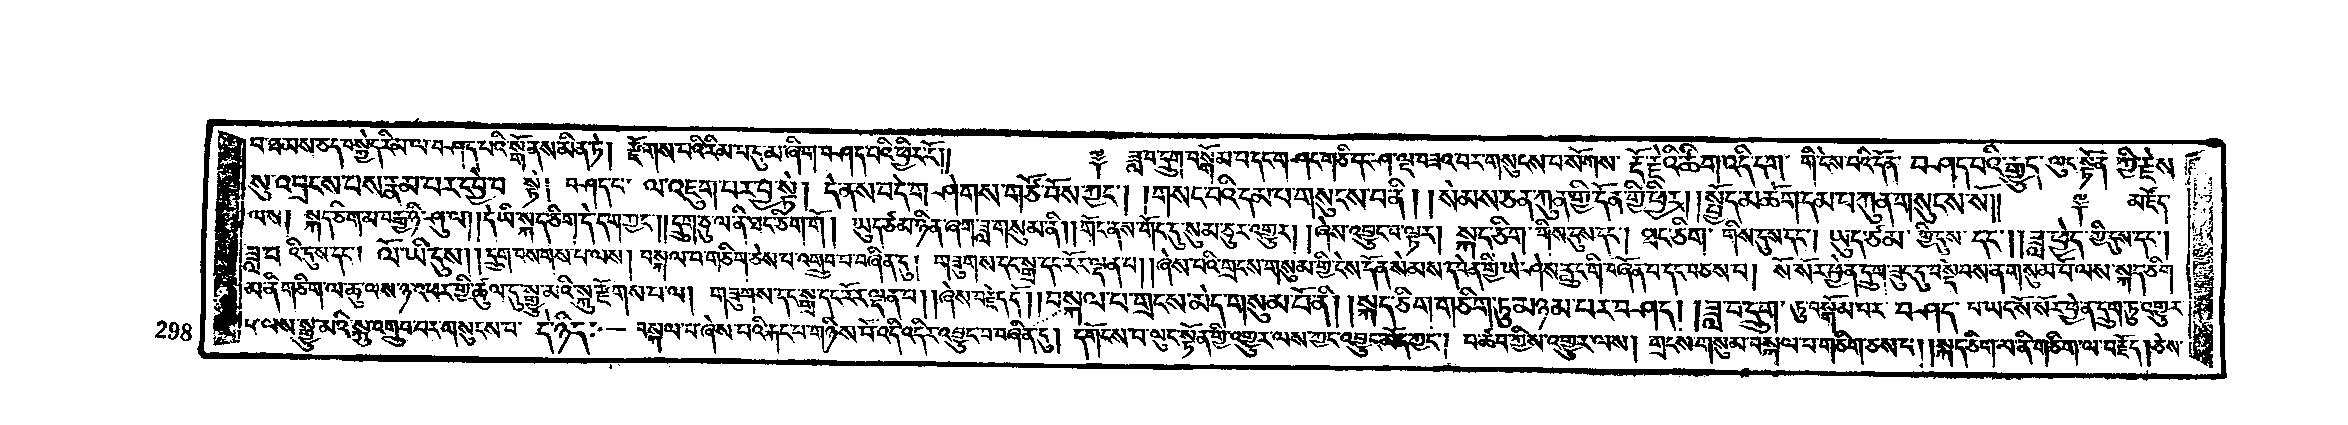པ་ཐམས་ཅད་བསྐྱེད་རིམ་ལ་བཤད་པའི་སྒོ་ནས་མིན་ཏེ། རྫོགས་པའི་རིམ་པ་དུ་མ་ཞིག་བཤད་པའི་ཕྱིར་རོ།། ༈ ཟླ་བ་དྲུག་བསྒོམ་པ་དང་བཤད་གཅི་དང་ཤ་ལྔ་བཟའ་བར་གསུངས་པ་སོགས་རྡོ་རྗེའི་ཚིག་འདི་དག་གི་ངེས་པའི་དོན་བཤད་པའི་རྒྱུད་ལུང་སྟོན་གྱི་རྗེས་
སུ་འབྲངས་པས་རྣམ་པར་དབྱེ་བ་སྟེ། བཤད་པ་ལ་འཇུག་པར་བྱ་སྟེ། དེ་ནས་བདེ་གཤེགས་གཙོ་བོས་ཀྱང་། །གསང་བའི་དམ་པ་གསུངས་པ་ནི། །སེམས་ཅན་ཀུན་གྱི་དོན་གྱི་ཕྱིར། །སྤྱོད་མཆོག་དམ་པ་ཀུན་གསུངས་སོ།། ༈ མཛོད་
ལས། སྐད་ཅིག་མ་བརྒྱ་ཉི་ཤུ་ལ། །དེ་ཡི་སྐད་ཅིག་དེ་དག་ཀྱང་། །དྲུག་ཅུ་ལ་ནི་ཐང་ཅིག་གོ །ཡུད་ཙམ་ཉིན་ཞག་ཟླ་གསུམ་ནི། །གོང་ནས་གོང་དུ་སུམ་ཅུར་འགྱུར། །ཞེས་འབྱུང་བ་ལྟར། སྐད་ཅིག་གིས་དུས་དང་།  ཐང་ཅིག་གིས་དུས་དང་།  ཡུད་ཙམ་གྱི་དུས་དང་། །ཟླ་ཕྱེད་ཀྱི་དུས་དང་།
ཟླ་བའི་དུས་དང་།  ལོ་ཡི་དུས། །དྲུག་བསགས་པ་ལས། བསྐལ་པ་གཅིག་ཅེས་པ་འགྲུབ་པ་བཞིན་དུ། གཟུགས་དང་སྒྲ་དང་རོར་ལྡན་པ། །ཞེས་པའི་གྲངས་གསུམ་གྱི་ངེས་དོན་སེམས་དབེན་གྱི་ཡེ་ཤེས་རླུང་གི་བཞོན་པ་དང་བཅས་པ། སོ་སོར་ཕྱེ་ན་དྲུག་ཟུང་དུ་བསྡེབས་ན་གསུམ་པོ་ལས་སྐད་ཅིག
མ་ནི་གཅིག་ལ་ཆུ་ལས་ཉ་འཕར་གྱི་ཚུལ་དུ་སྒྱུ་མའི་སྐུ་རྫོགས་པ་ལ། གཟུགས་དང་སྒྲ་དང་རོར་ལྡན་པ། །ཞེས་བརྗོད་དོ། །བསྐལ་པ་གྲངས་མེད་གསུམ་པོ་ནི། །སྐད་ཅིག་གཅིག་ཏུ་མཉམ་པར་བཤད། །ཟླ་བ་དྲུག་ཏུ་བསྒོམ་པར་བཤད་པ་ཡང་སོ་སོར་ཕྱེ་ན་དྲུག་ཏུ་འགྱུར་
བ་ལས་སྒྱུ་མའི་སྐུ་འགྲུབ་པར་གསུངས་པ་དེ་ཉིད་བསྐལ་པ་ཞེས་པའི་རྐང་པ་གཉིས་པོ་འདི་འདིར་འབྱུང་བ་བཞིན་དུ། དགོངས་པ་ལུང་སྟོན་གྱི་འགྱུར་ལས་ཀྱང་འབྱུང་མོད་ཀྱང་། པ་ཚབ་ཀྱིས་འགྱུར་ལས། གྲངས་གསུམ་བསྐལ་པ་གཅིག་ཅེས་པ། །སྐད་ཅིག་མ་ནི་གཅིག་ལ་བརྗོད། ཅེས་